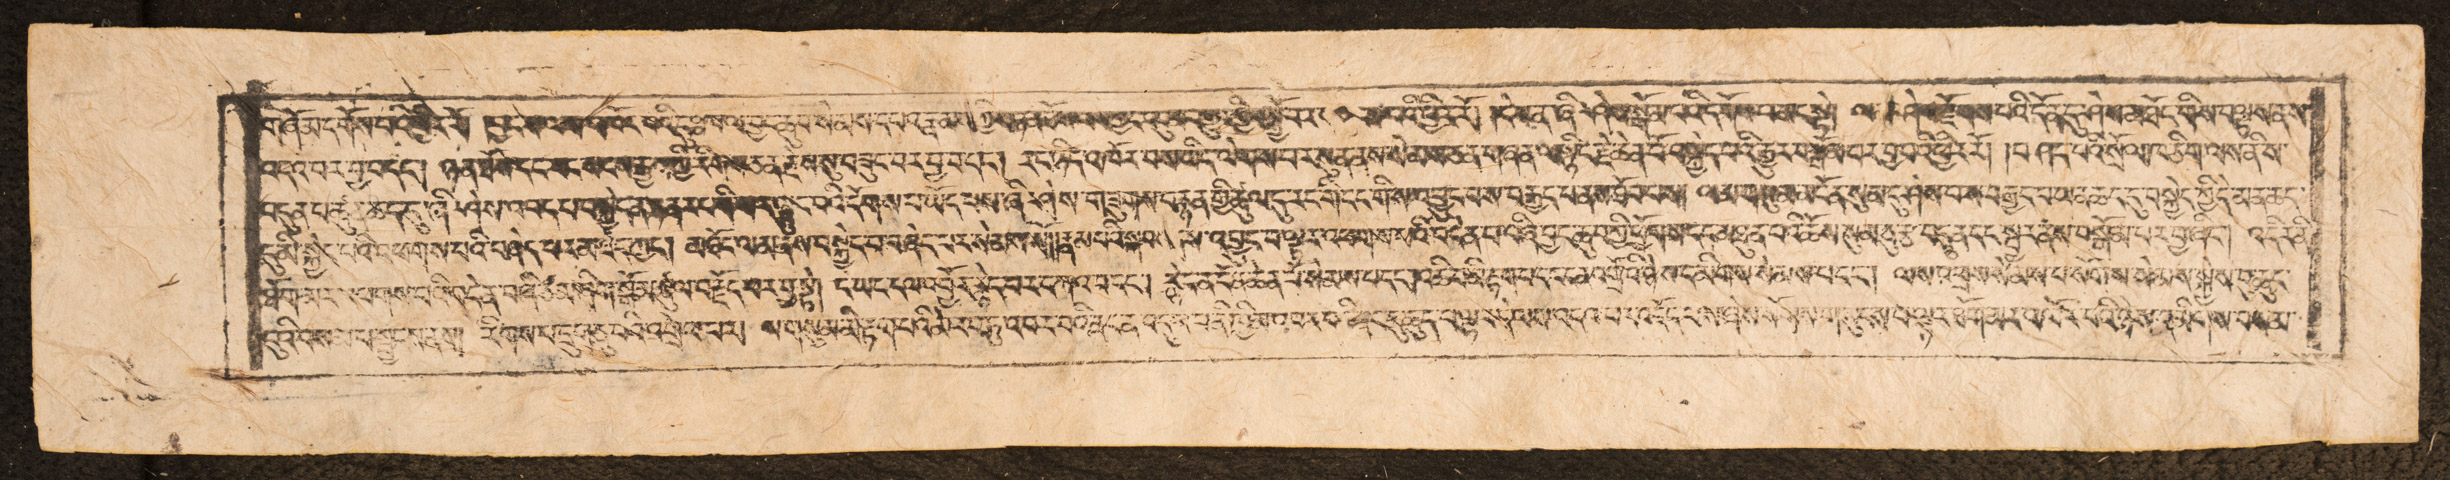གཞོམ་དགོས་པའི་ཕྱིར་རོ། །བྱང་ས་ལས་འཁོར་བའི་དུཿ ཁ་ལ་བྱང་ཆུབ་སེམས་དཔའ་རྣམས་ཀྱིས་ཉན་ཐོས་ལས་ཀྱང་འབུམ་འགྱུར་གྱིས་སྐྱོ་བར་གསུངས་པའི་ཕྱིར་རོ། །དེས་ན་ཞི་ཤེས་སྒོམ་པའི་དགོས་པ་མང་སྟ། ལམ་ཤེས་རྫོགས་པའི་དོན་དུ་ཤེས་མཐོང་གིས་བལྟས་ནས་
འདའ་བར་བྱ་བ་དང་། ཉན་ཐོས་དང་རང་སངས་རྒྱས་ཀྱི་རིགས་ཅན་རྗེས་སུ་བཟུང་བར་བྱ་བ་དང་། རང་ཉིད་འཁོར་བས་ཡིད་ལེགས་པར་སུན་ནས་སེམས་ཅན་གཞན་ལ་སྙིང་རྗེ་ཆེན་པོ་བསྐྱེད་པའི་རྒྱུར་བསྒོམ་པར་བྱ་བའི་ཕྱིར་རོ། །བཤད་པའི་སྲོལ་ཁ་ཅིག་ལས་ནི་ས་
བདུན་པ་ཚུན་ཆད་དུ་ཞི་ཤེས་འབད་པ་བསྐྱེད་ན་ཉན་རང་གི་སར་ལྟུང་བའི་དོགས་པ་ཡོད་པས་ཞི་ཤེས་གཟུགས་བརྙན་གྱི་ཚུལ་དུ་རང་གི་ངང་གིས་འབྱུང་བ་ས་བརྒྱད་པ་ནས་ཐོབ་པས། ལམ་གསུམ་མངོན་སུམ་དུ་ཤེས་པ་ས་བརྒྱད་པ་ཡན་ཆད་དུ་བསྐྱེད་ཀྱི་དེ་མན་ཆད་
དུ་མི་སྐྱེད་པའི་འཕགས་པའི་བཞེད་པར་མཛད་ཀྱང་། མཐོང་ལམ་ནས་བསྐྱེད་པ་བཞེད་པར་སེམས་སོ། །རྣམ་པའི་སྐབས་ནས་འབྱུང་བ་ལྟར་འཕགས་པའི་བདེན་པ་བཞི་བྱང་ཆུབ་ཀྱི་ཕྱོགས་དང་མཐུན་པའི་ཆོས་སུམ་ཅུ་རྩ་བདུན་དང་སྦྱར་ནས་བསྒོམ་པར་བྱ་ཞིང་། འདིར་ནི་
ཐོག་མར་འཕགས་པའི་བདེན་བཞི་ཙམ་ཞིག་སྒོམ་ཚུལ་བརྗོད་པར་བྱ་སྟེ། དེ་ཡང་དལ་འབྱོར་རྙེད་པར་དཀའ་བ་དང་། རྙེད་ན་དོན་ཆེན་པོ་སེམས་པ་དང་། འཆི་བ་མི་རྟག་པ་དང་ངན་འགྲོའི་ཉེས་དམིགས་སེམས་པ་དང་། ལས་འབྲས་སེམས་པ་སོགས་སེམས་སྐྱེས་བུ་ཆུང་
ངུའི་བསམ་པ་སྦྱངས་ནས། རིགས་པ་དྲུག་ཅུ་པའི་འགྲེལ་པར། ས་གསུམ་མི་རྟག་པའི་མེ་རབ་ཏུ་འབར་བའི་ནང་ན་འདུག་པ་ནི་ཁྱིམ་འབར་བའི་ནང་དུ་ཆུད་པ་ལྟར་དེ་ལས་འདའ་བར་འདོད་པས་ཞེས་སོགས་གསུངས་པ་ལྟར་ཐོག་མར་འཁོར་བའི་ཉེས་དམིགས་བསམ་